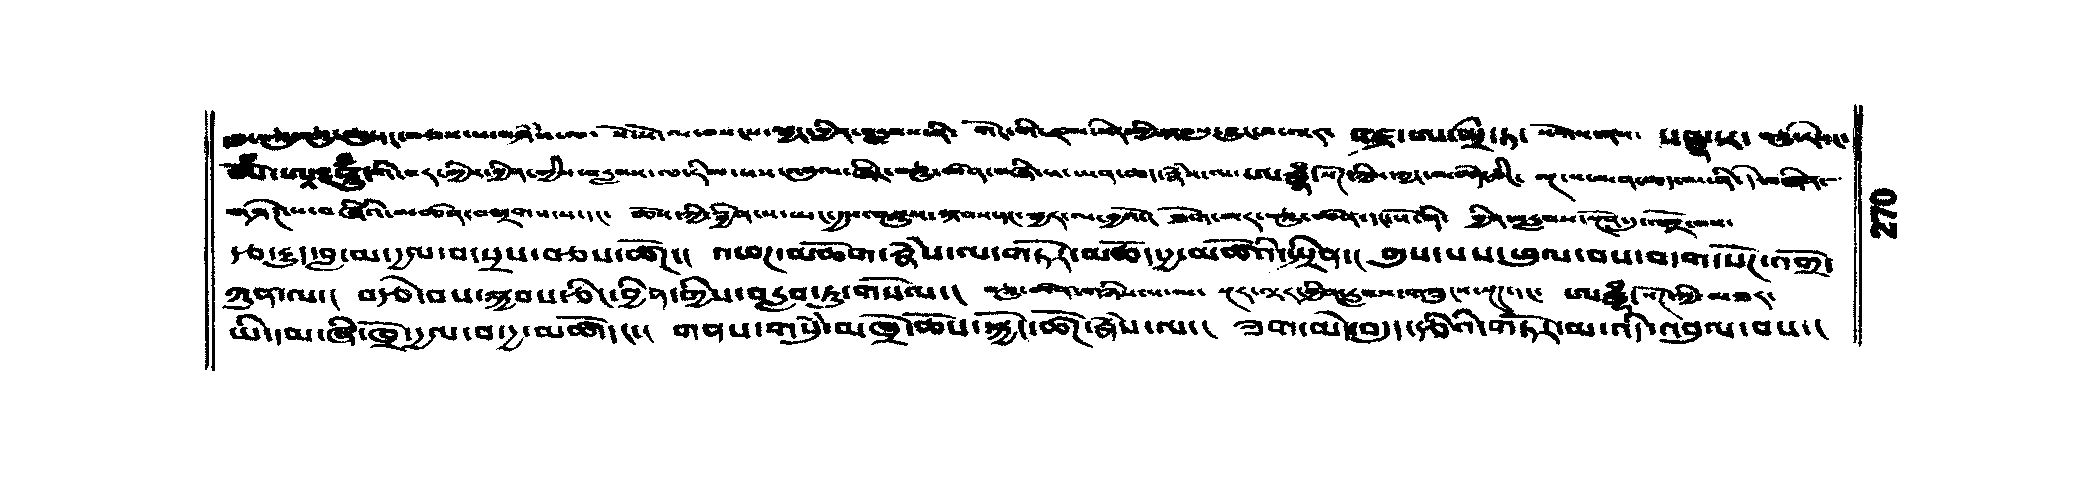བུ་བཅུ་བཅུ་ཆུ་དང་བཅས་པ་བཤམས་ལ། སོ་སོ་ལ་བསངས་སྦྱར་བྱིན་རླབས་ནི། གོང་གྀ་ཛམ་སེར་གྱི་སྐབས་སུ་བྱུང་བ་ལྟར། བཛྲ་ཨ་མྲྀ་ཏ། སོགས་ནས་སམྦྷར་བཅུ་རེ་དང་། 
ཨོྃ་ཨཱཿཧཱུྃ་གི་བར་གྱིས་བྱིན་གྱིས་བརླབས་ལ་རིམ་པས་འབུལ་ཞིང་བཅུ་ཚན་བཞི་པ་ཡན་ཆད་རྣམས་ལ་ཨརྒྷཾ་སོགས་ཀྱིས་ཀྱང་མཆོད་ཅིང་། ལྔ་པ་མན་ཆད་མ་ནི་དེ་བཞིན་
གཤེགས་པ་བཞིའི་མཚན་བསྒྲགས་པ་དང་། ཆོས་ཀྱི་སྦྱིན་པ་ཡང་རྒྱས་བསྡུས་སྐབས་དང་སྦྱར་ལ་བྱའོ། ཐོག་མར་བཅུ་ཚན་དང་པོ་ནི།བྱིན་རླབས་སྔོན་དུ་འགྲོ་བས། 
རྩ་རྒྱུད་བླ་མ་རྒྱལ་བ་སྲས་བཅས་ཚོགས། །འཕགས་མཆོག་རྣམས་ལ་གཏོར་མཆོད་རྒྱ་མཚོའི་སྤྲིན། །གུས་པས་ཕུལ་བས་བདག་སོགས་འགྲོ་
ཀུན་ལ། །བརྩེ་བས་སྐྱབས་ཤིང་བྱིན་གྱིས་བརླབ་ཏུ་གསོལ། །བཅུ་ཚན་གཉིས་པ་ལ། སྔར་ལྟར་བྱིནལརླབས་གཟུངས་སྔགས་དང་། ཨརྒྷཾ་སོགས་ཀྱི་མཐར།
 ཡི་དམ་ཞི་ཁྲོ་རྒྱལ་བ་རྒྱ་མཚོ་དང་། །གནས་གསུམ་མཁའ་འགྲོ་ཆོས་སྐྱོང་ཚོགས་རྣམས་ལ། །ཟག་མེད་བདུད་རྩིའི་གཏོར་མ་འདི་འབུལ་བས། །